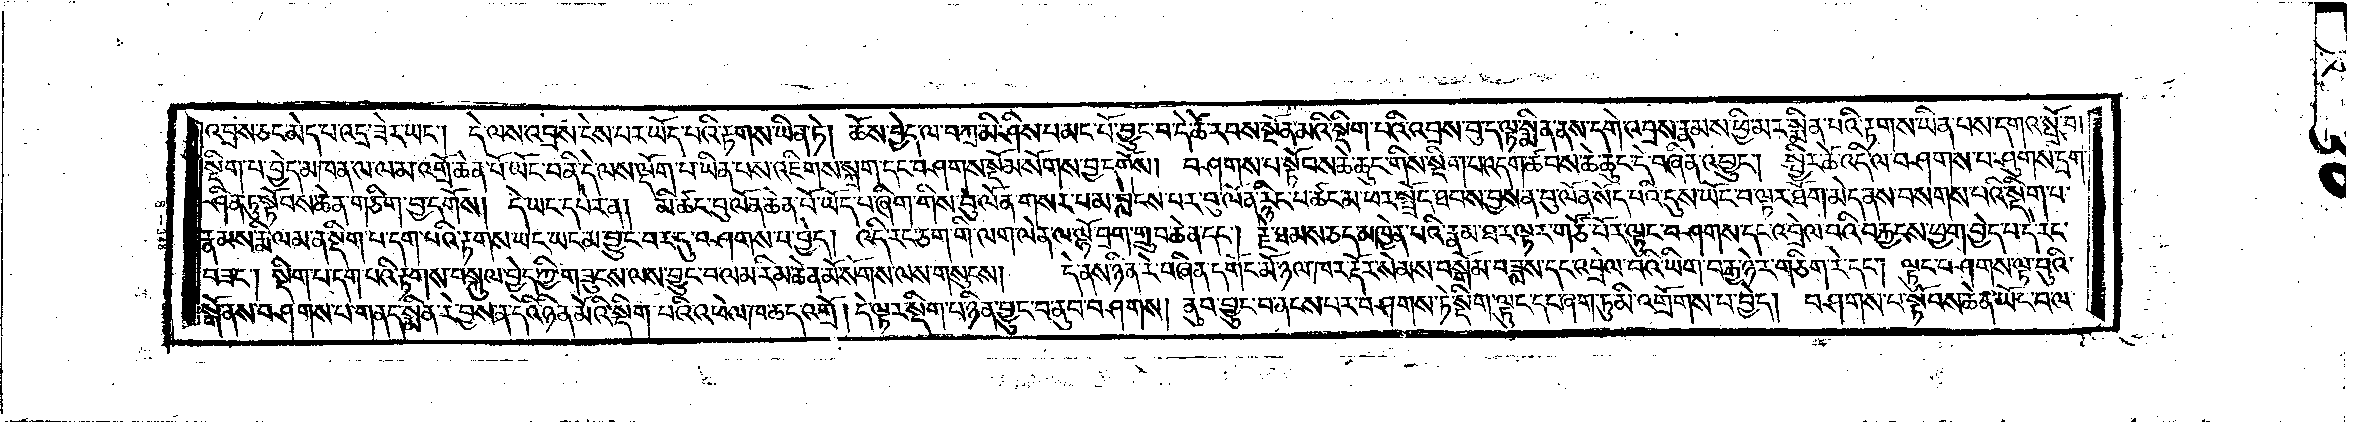འབྲས་ཅང་མེད་པ་འདྲ་ཟེར་ཡང་། དེ་ལས་འབྲས་ངེས་པར་ཡོད་པའི་རྟགས་ཡིན་ཏེ། ཆོས་བྱེད་ལ་བཀྲ་མི་ཤིས་པ་མང་པོ་བྱུང་བ་དེ་ཚེ་རབས་སྔོན་མའི་སྡིག་པའི་འབྲས་བུ་ད་ལྟ་སྨིན་ནས་དགེ་འབྲས་རྣམས་ཕྱི་མར་སྨིན་པའི་རྟགས་ཡིན་པས་དགའ་སྤྲོ་བྱ་
སྡིག་པ་བྱེད་མཁན་ལ་ལམ་འགྲོ་ཆེན་པོ་ཡོང་བ་ནི་དེ་ལས་ལྡོག་པ་ཡིན་པས་འཇིགས་སྐྲག་དང་བཤགས་སྡོམ་སོགས་བྱ་དགོས། བཤགས་པ་སྟོབས་ཆེ་ཆུང་གིས་སྡིག་པ་འདག་ཚབས་ཆེ་ཆུང་དེ་བཞིན་འབྱུང་། སྤྱིར་ཚེ་འདི་ལ་བཤགས་པ་ཤུགས་དྲག་
ཤིན་ཏུ་སྟོབས་ཆེན་གཅིག་བྱ་དགོས། དེ་ཡང་དཔེར་ན། མི་ཚང་བུ་ལོན་ཆེན་པོ་ཡོད་པ་ཞིག་གིས་བུ་ལོན་གསར་པ་མ་བླངས་པར་བུ་ལོན་རྙིང་པ་ཚང་མ་ཕར་སྤྲོད་ཐབས་བྱས་ན་བུ་ལོན་སོད་པའི་དུས་ཡོང་བ་ལྟར་ཐོག་མེད་ནས་བསགས་པའི་སྡིག་པ་
རྣམས་རྨི་ལམ་ན་སྡིག་པ་དག་པའི་རྟགས་ཡང་ཡང་མ་བྱུང་བར་དུ་བཤགས་པ་བྱེད། འདི་རང་ཅག་གི་ལག་ལེན་ལ་ལྷོ་བྲག་གྲུབ་ཆེན་དང་། རྗེ་ཐམས་ཅད་མཁྱེན་པའི་རྣམ་ཐར་ལྟར་གཙོ་བོར་ལྟུང་བཤགས་དང་འབྲེལ་བའི་བརྐྱངས་ཕྱག་བྱེད་པ་དེ་རང་
བཟང་། སྡིག་པ་དག་པའི་རྟགས་བསྐུལ་བྱེད་ཀྱི་གཟུངས་ལས་བྱུང་བ་ལམ་རིམ་ཆེན་མོ་སོགས་ལས་གསུངས། དེ་ནས་ཉིན་རེ་བཞིན་དགོང་མོ་ཉལ་ཁར་རྡོར་སེམས་བསྒོམ་བཟླས་དང་འབྲེལ་བའི་ཡིག་བརྒྱ་ཉེར་གཅིག་རེ་དང་། ལྟུང་བཤགས་ལྟ་བུའི་
སྒོ་ནས་བཤགས་པ་གནད་སྨིན་རེ་བྱས་ན་དེའི་ཉིན་མོའི་སྡིག་ཧྤའི་འཕེལ་ཁ་ཆད་འགྲོ་།དེ་ལྟར་སྡིག་པ་ཉིན་བྱུང་བ་ནུབ་བཤགས། ནུབ་བྱུང་བ་ནངས་པར་བཤགས་ཏེ་སྡིག་ལྟུང་དང་ཞག་ཏུ་མི་འགྲོགས་པ་བྱེད། བཤགས་པ་སྟོབས་ཆེན་ཡོང་བ་ལ་